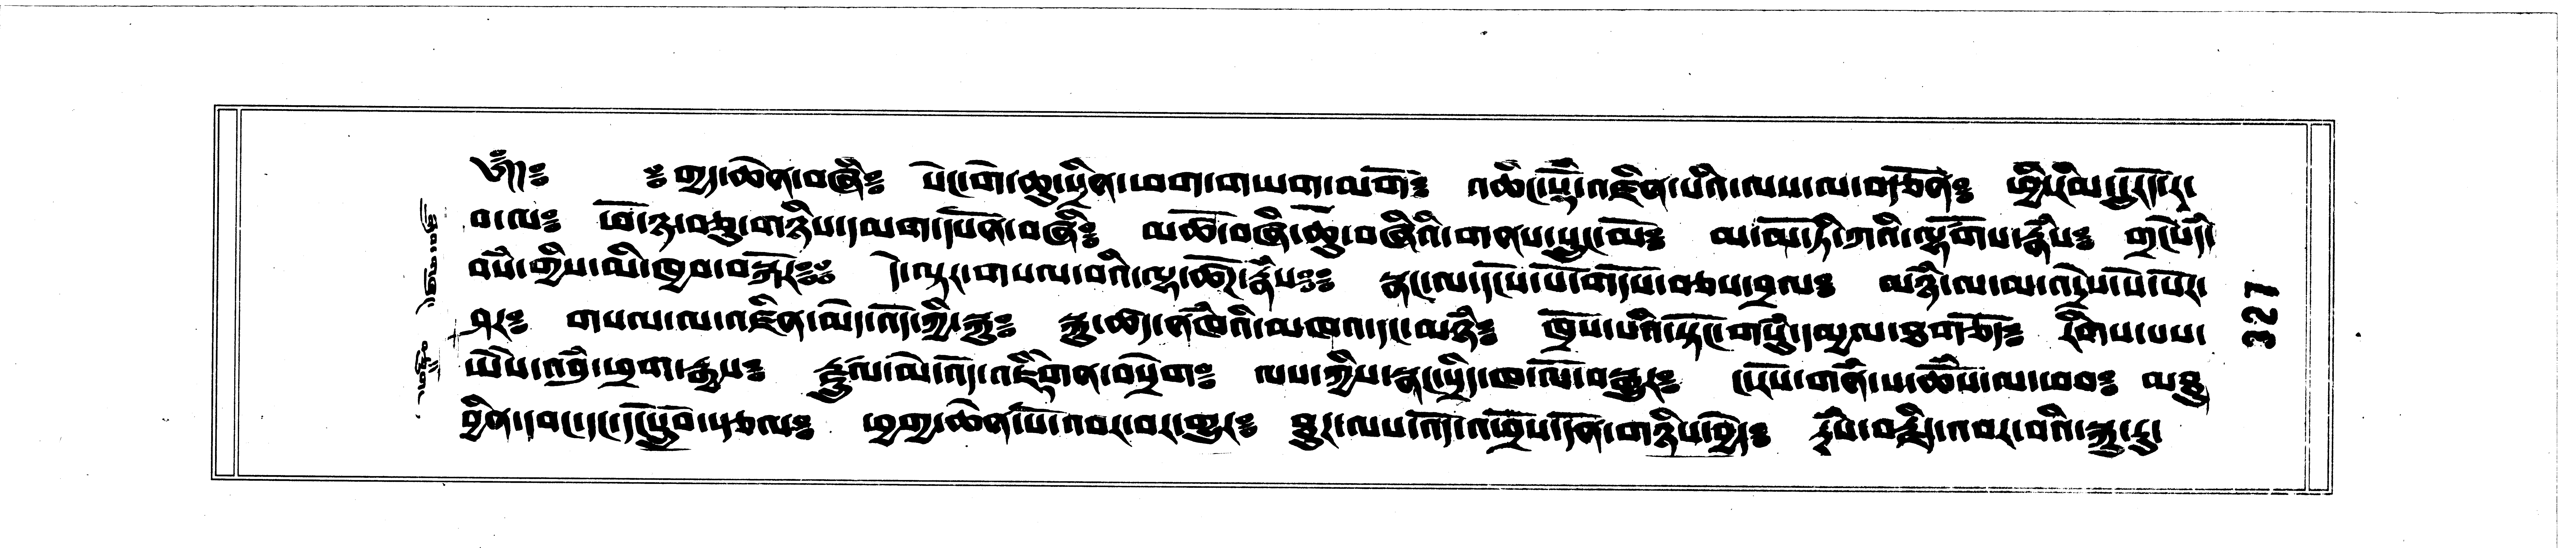གྱད་ཆེན་བཞི༔ སེང་གེ་ཆུ་སྲིན་ཕག་གཡག་མགོ༔ འཆིང་སྡོམ་འཛིན་པའི་ལས་ལ་བརྩོན༔ ཕྱི་རིམ་དུར་ཁྲོད་རྭ་
བ་ལ༔ ཕོ་ཉ་བཅུ་གཉིས་དམག་དཔོན་བཞི༔ མཚོ་བཞི་ཆུ་བཞིའི་གནས་སྲུང་མོ༔ མ་མོ་ཏི་ཀའི་ལྷ་ཚོགས་རྣམས༔ གྲངས་མེད་
བསམ་གྱིས་མི་ཁྱབ་བསྐོར༔༔ དེ་ལྟར་གསལ་བའི་ལྷ་ཚོགས་རྣམས༔༔ སྣང་ལ་དངོས་པོ་གདོས་བཅས་བྲལ༔ མཉམ་ལ་མ་འདྲེས་སོ་སོར་
ཤར༔ གསལ་ལ་འཛིན་མེད་འོད་ཀྱི་སྐུ༔ སྐུ་ཚད་ནམ་མཁའི་མཁའ་དང་མཉམ༔ ཁྲོས་པའི་སྟོང་གསུམ་དམྱལ་ཐག་གཅོད༔ རིགས་པས་
ཡེ་ཤེས་འབུམ་ཕྲག་རྒྱས༔ རྫུ་འཕྲུལ་མེ་འོད་འཇིག་རྟེན་བསྲེག༔ ལས་ཀྱིས་སྣང་སྲིད་ཁ་ལོ་བསྒྱུར༔ ང་རོས་གནམ་ས་ཆམས་ལ་ཕབ༔ མཐུ་
བྱིན་དབང་དང་དངོས་སྒྲུབ་སྩལ༔ ཕྱག་རྒྱ་ཆེན་པོ་འབར་བར་གྱུར༔ ཐུགས་ལས་འོད་འཕྲོས་དོན་གཉིས་བྱེད༔ རྔམས་བརྗིད་འབར་བའི་སྐུ་རུ་